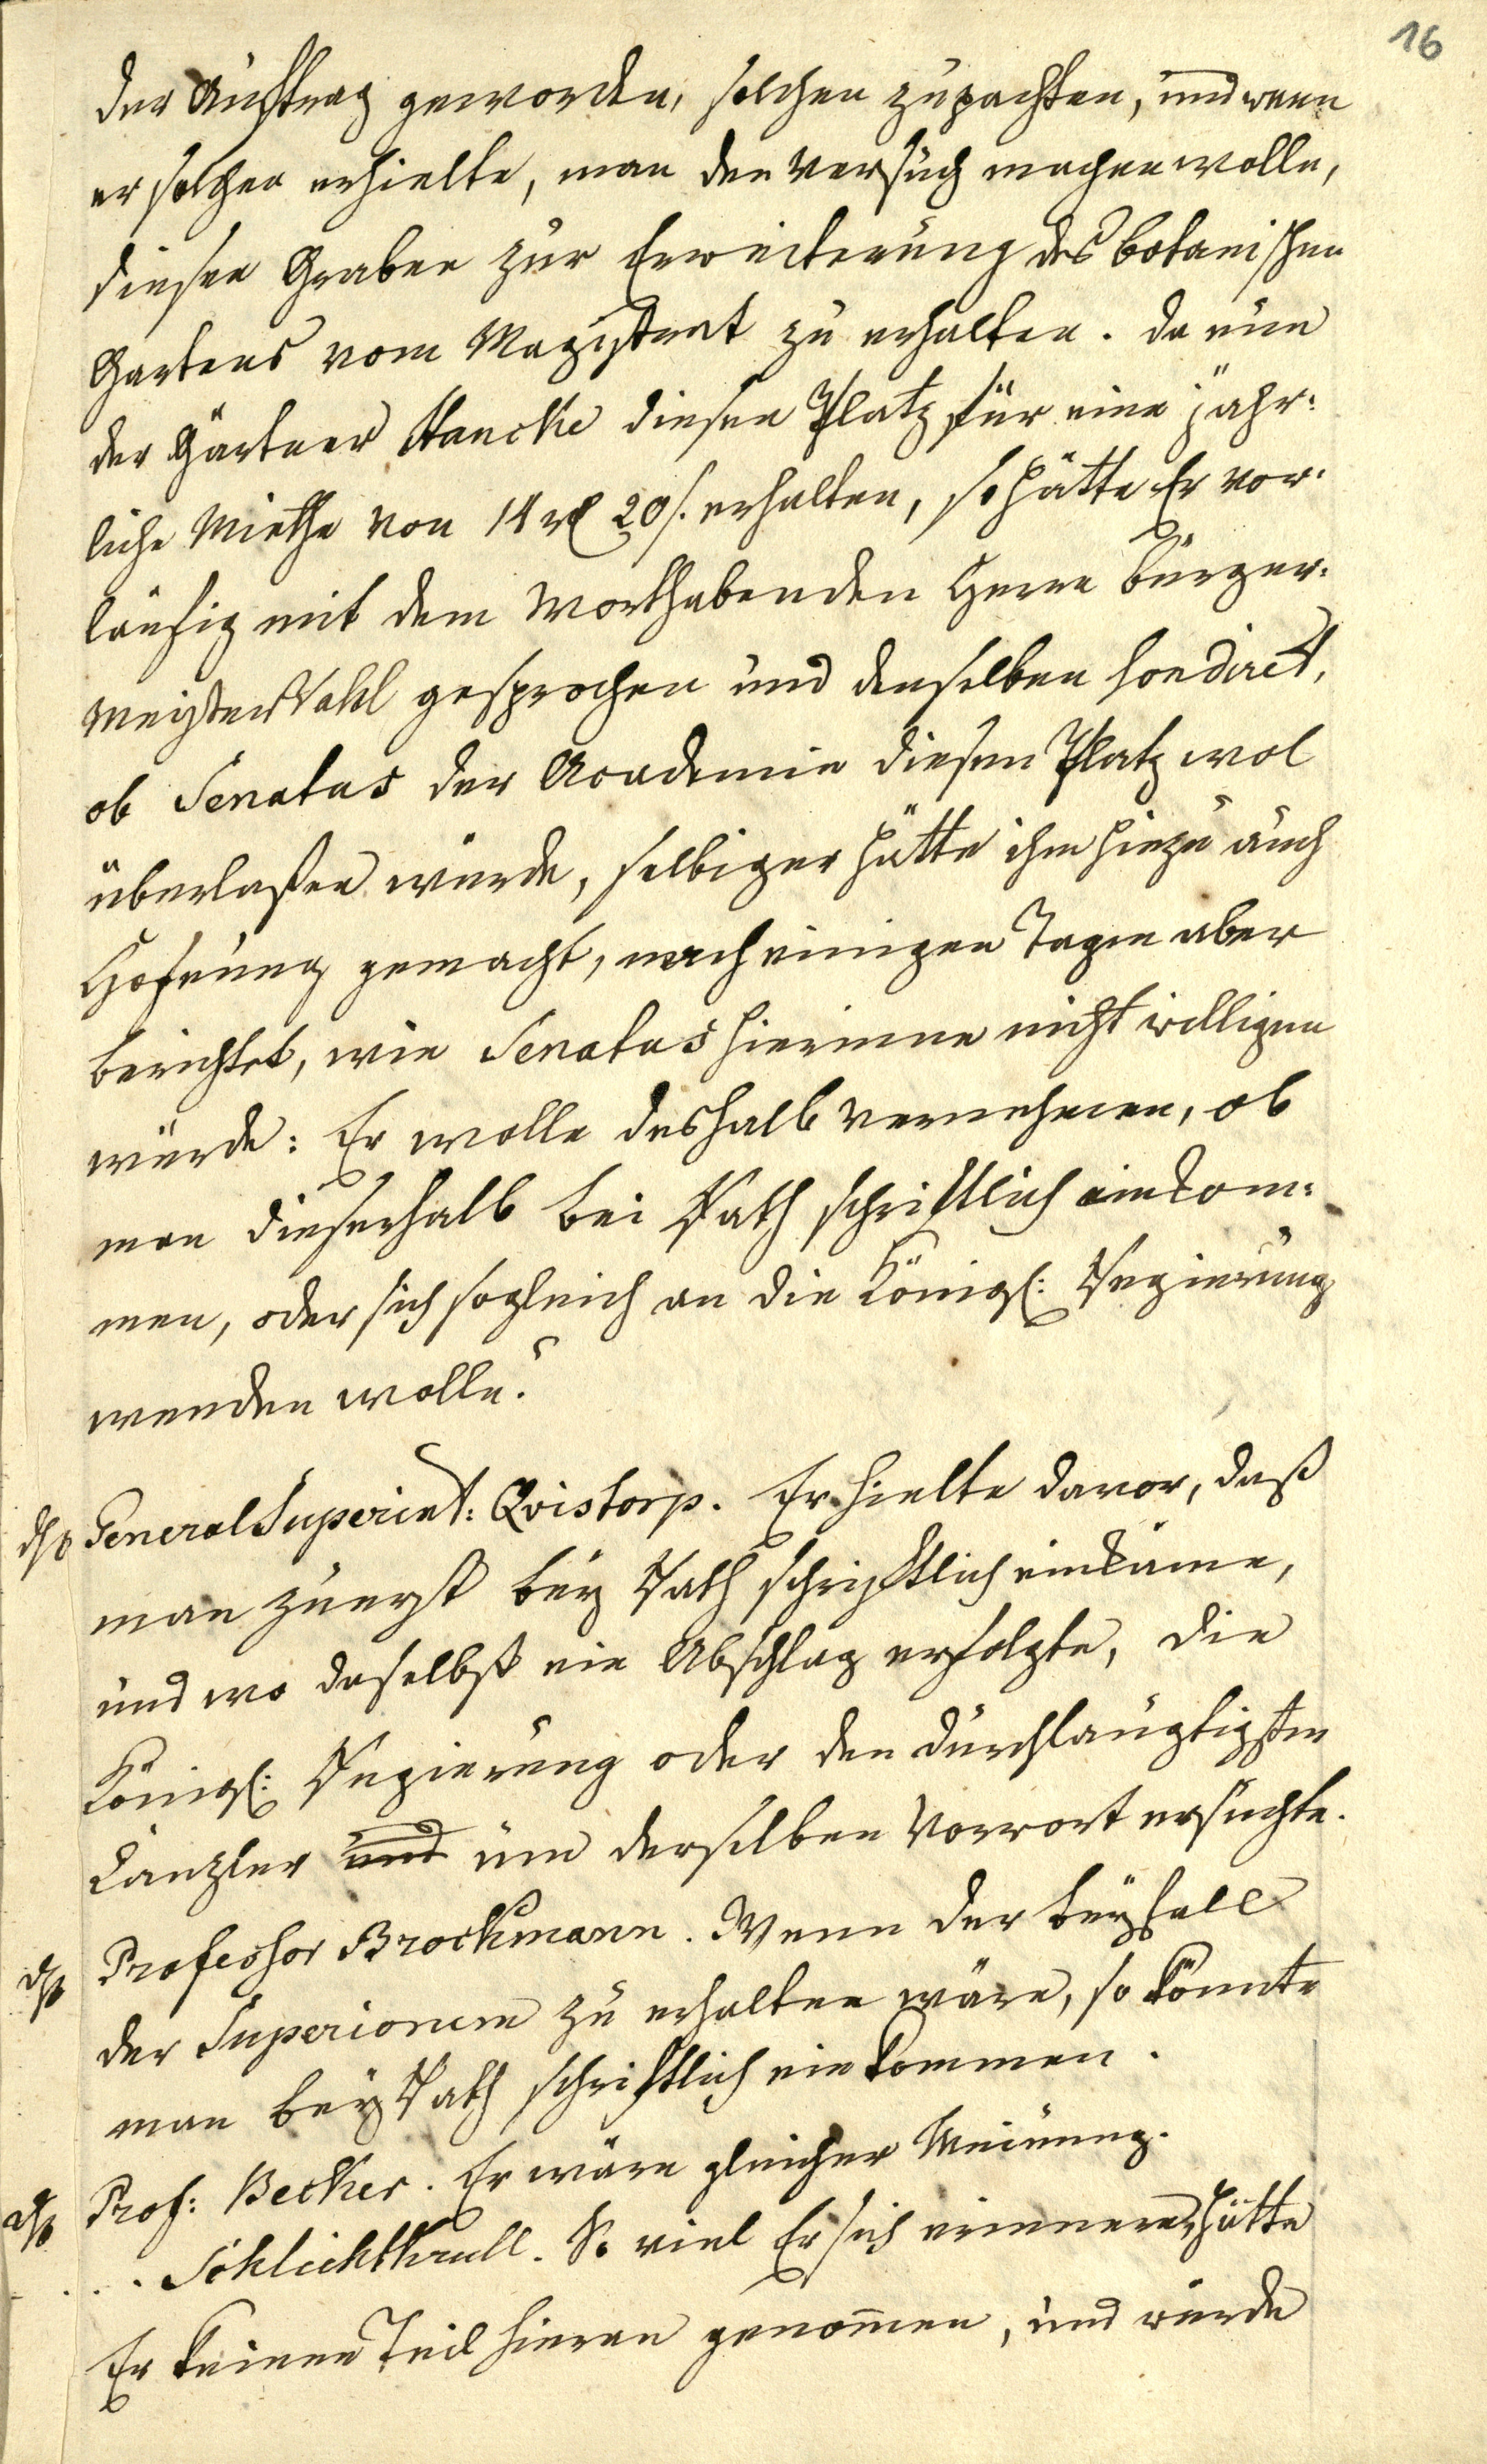der Auftrag geworden, solchen zupachten, und wenn
er solchen erhielte, man den Versuch machen wolle,
diesen Graben zur Erweiterung des botanischen
Gartens vom Magistrat zu erhalten. Da nun
der Gärtner Hancke diesen Platz für eine jähr¬
liche Miethe von 14 rl. 20 s. erhalten, so hätte Er vor¬
läufig mit dem worthabenden Herrn Bürger¬
Meister Vahl gesprochen und denselben sondiret,
ob Senatus der Academie diesen Platz wol
überlaßen würde, selbiger hätte ihm hiezu auch
Hofnung gemacht, nach einigen Tagen aber
berichtet, wie Senatus hierinne nicht willigen
würde. Er wolle deshalb vernehmen, ob
man dieserhalb bei Rath schriftlich einkom¬
men, oder sich sogleich an die Königl. Regierung
wenden wolle?
dh GeneralSuperint. Quistorp. Er hielte davor, daß
man zuerst beÿ Rath schriftlich einkäme,
und wo daselbst ein Abschlag erfolgte, die
Königl. Regierung oder den durchlaugtigsten
Canzler und um derselben Vorwort ersuchte.
dh Professor Brockmann. Wenn der Beÿfall
der Superiorum zu erhalten wäre, so könnte
man beÿ Rath schriftlich einkommen.
dh Prof. Becker. Er wäre gleicher Meinung.
Schlichtkrull. So viel Er sich erinnere, hätte
Er keinen Teil hieran genomen, und würde